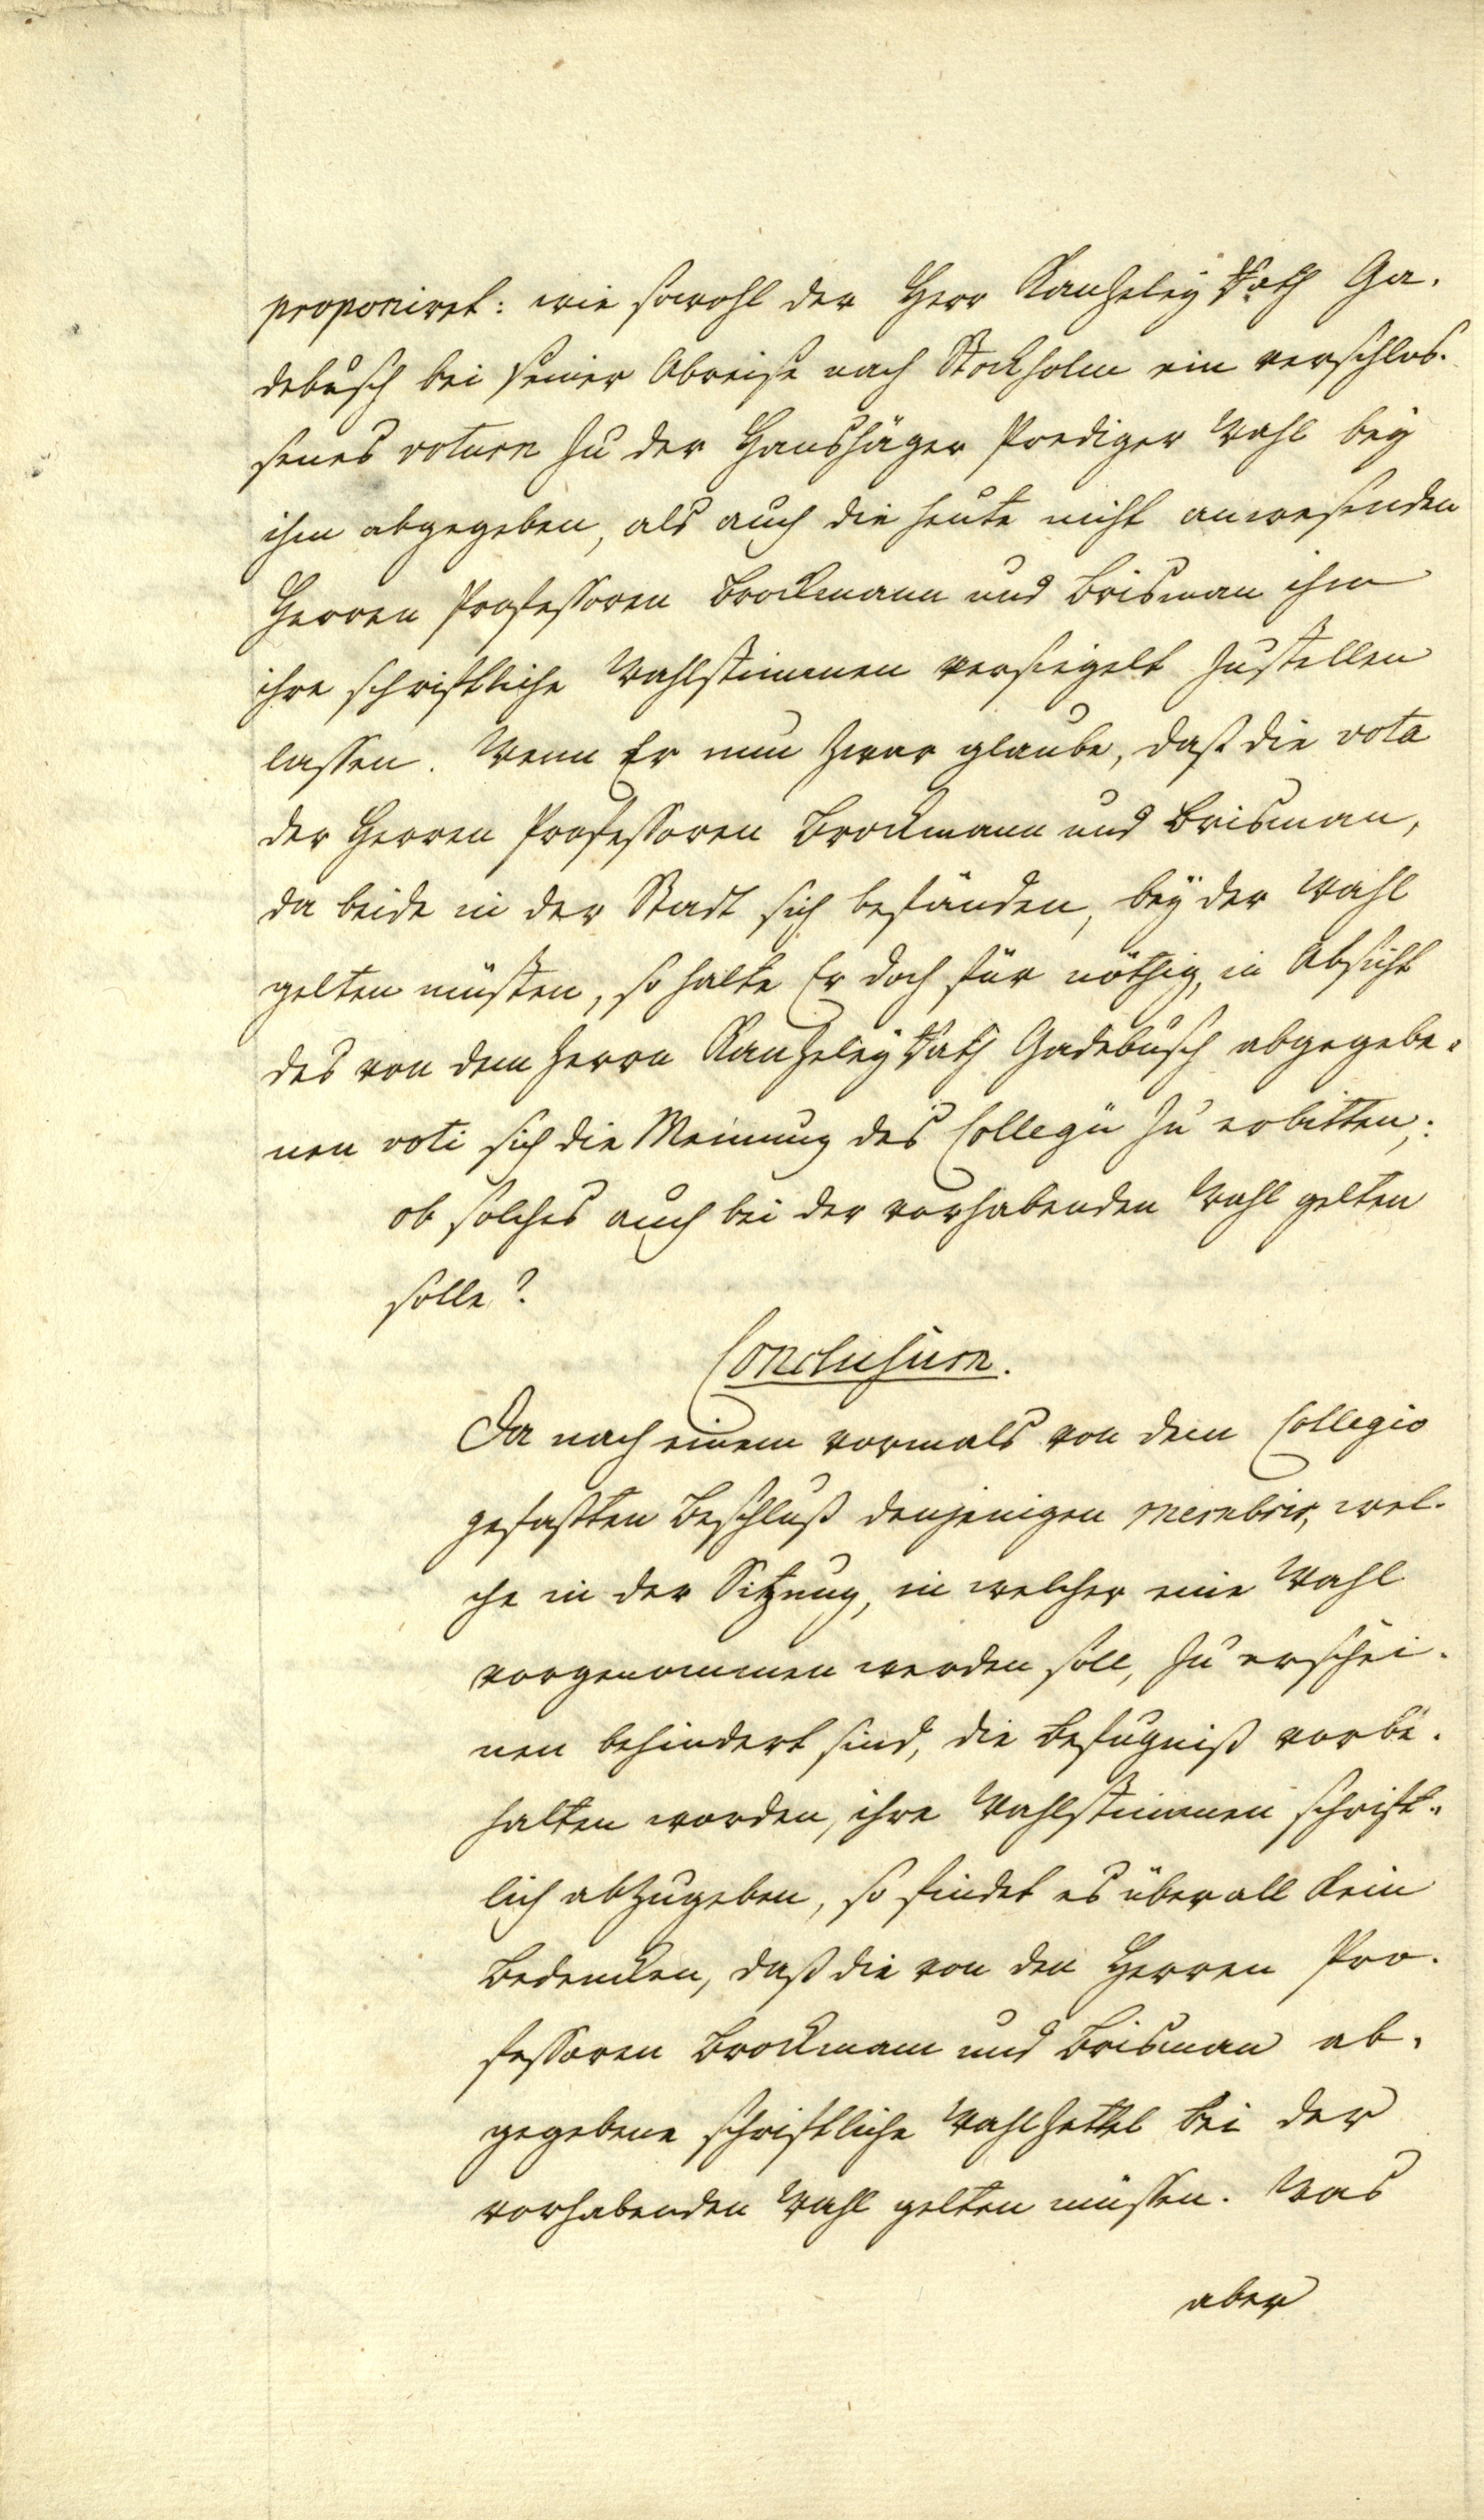proponiret: wie sowohl der Herr Kanzeleÿ Rath Ga¬
debusch bei seiner Abreise nach Stockholm ein verschlos¬
senes votum zu der Hanshäger Prediger Wahl beÿ
ihm abgegeben, als auch die heute nicht anwesenden
Herren Professoren Brockmann und Brisman ihm
ihre schriftliche Wahlstimmen versiegelt zustellen
lassen. Wenn Er nun zwar glaube, daß die vota
der Herren Professoren Brockmann und Brisman,
da beide in der Stadt sich befänden, beÿ der Wahl
gelten müßten, so halte Er doch für nöthig, in Absicht
des von dem Herrn Kanzeley Rath Gadebusch abgegebe¬
nen voto sich die Meinung des Collegii zu erbitten,
ob solches auch bei der vorhabenden Wahl gelten
solle?
Conclusum.
Da nach einem vormals von dem Collegio
gefaßten Beschluß denjenigen membris, wel¬
che in der Sitzung, in welcher eine Wahl
vorgenommen werden soll, zu erschei-
nen behindert sind, die Befugniß vorbe¬
halten worden, ihre Wahlstimmen schrift¬
lich abzugeben, so findet es überall kein
Bedencken, daß die von den Herren Pro¬
fessoren Brockmann und Brisman ab¬
gegebene schriftliche Wahlzettel bei der
vorhabenden Wahl gelten müssen. Was
aber